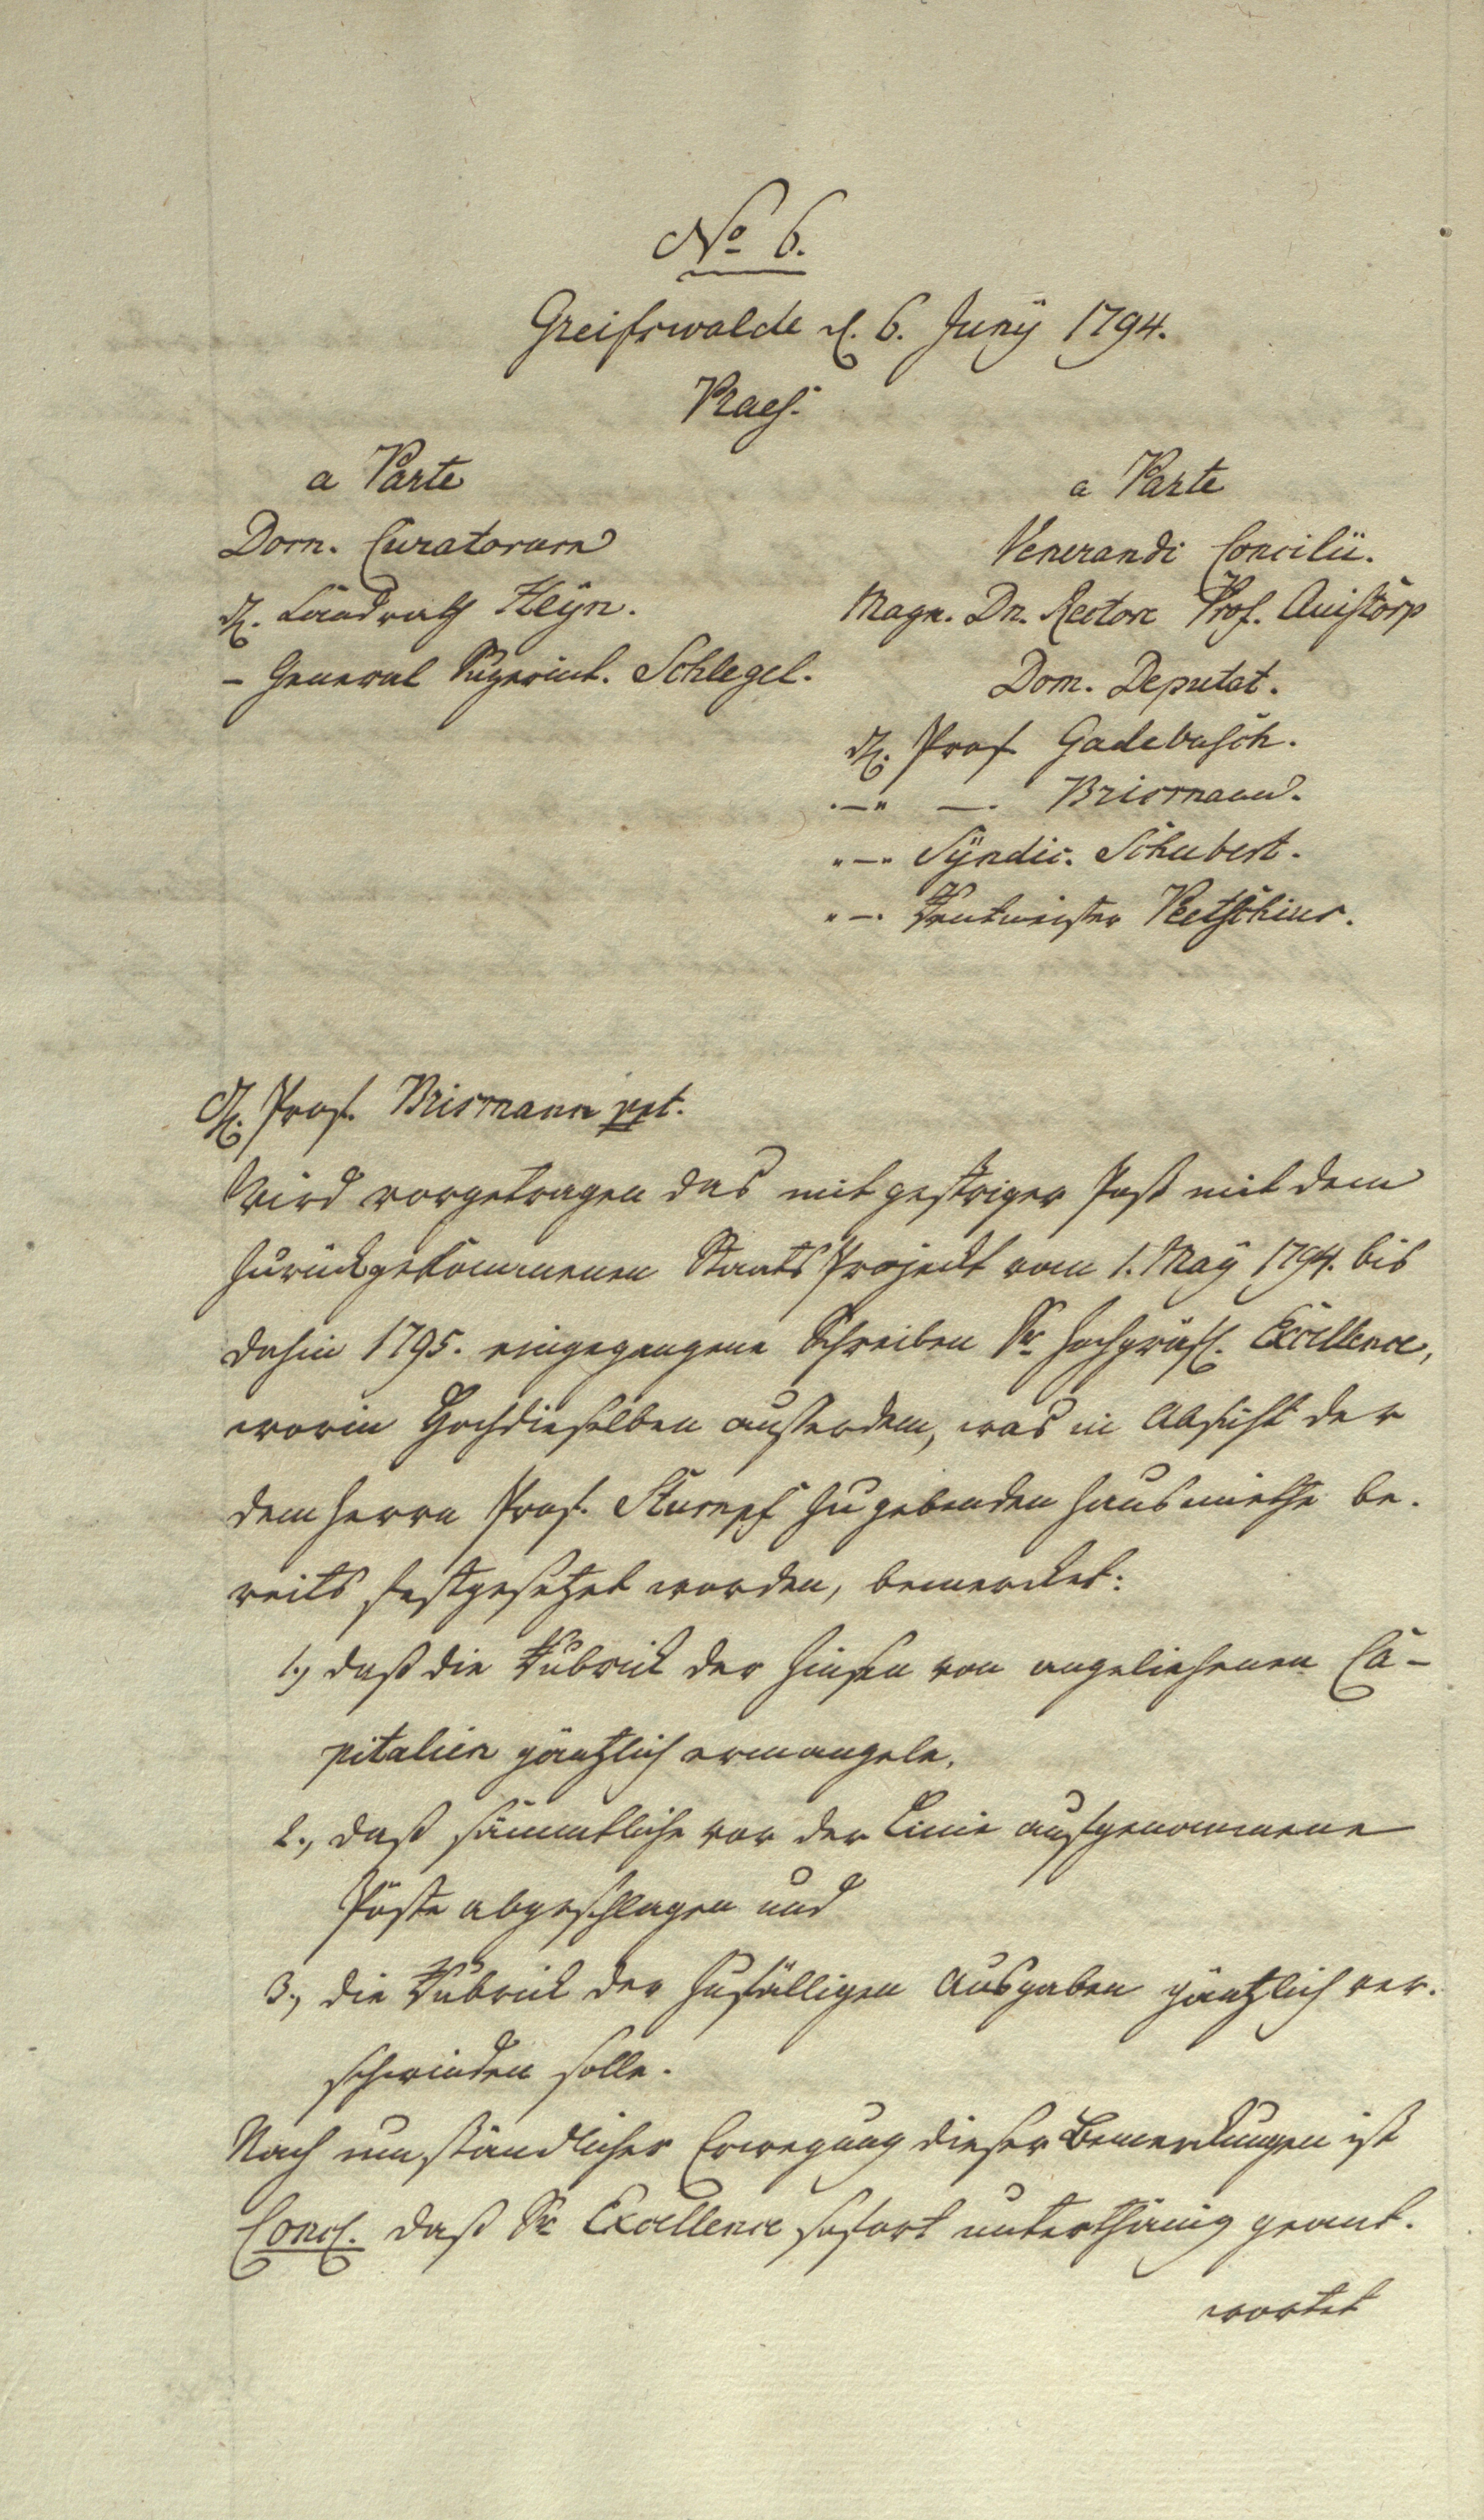No. 6.
Greifswalde d. 6. Juny 1794
Praes.
a Parte
Dom. Curatorum
dh. Landrath Heyn
- General Superint. Schlegel.
a Parte
Venerandi Concilii
Magn. Dn. Rectore Prof. Quistorp
Dom. Deputat.
dh. Prof. Gadebusch.
" - " - " Brismann.
" - " Syndic. Schubert
" - " Rentmeister Peetschius
dh. Prof. Brismann ppt.
Wird vorgetragen das mit gestriger Post mit dem
zurückgekommenen Staats Projekt vom 1. May 1794. bis
dahin 1795. eingegangene Schreiben Sr. Hochgräfl. Excellence,
worin Hochdieselben ausserdem, was in Absicht der
dem Herrn Prof. Stumpf zu gebenden Hausmiethe be¬
reits festgesetzet worden, bemerket:
1., daß die Rubrik der Zinsen von angeliehenen Ca¬
pitalien gäntzlich ermangele,
2., daß sämtliche vor der Linie aufgenommene
Pöste abegeschlagen und
3., die Rubrik der zufälligen Ausgaben gäntzlich ver¬
schwinden solle.
Nach umständlicher Erwegung dieser Bemerkungen ist
Concl. daß Sr. Excellence sofort unterthänig geant¬
wortet